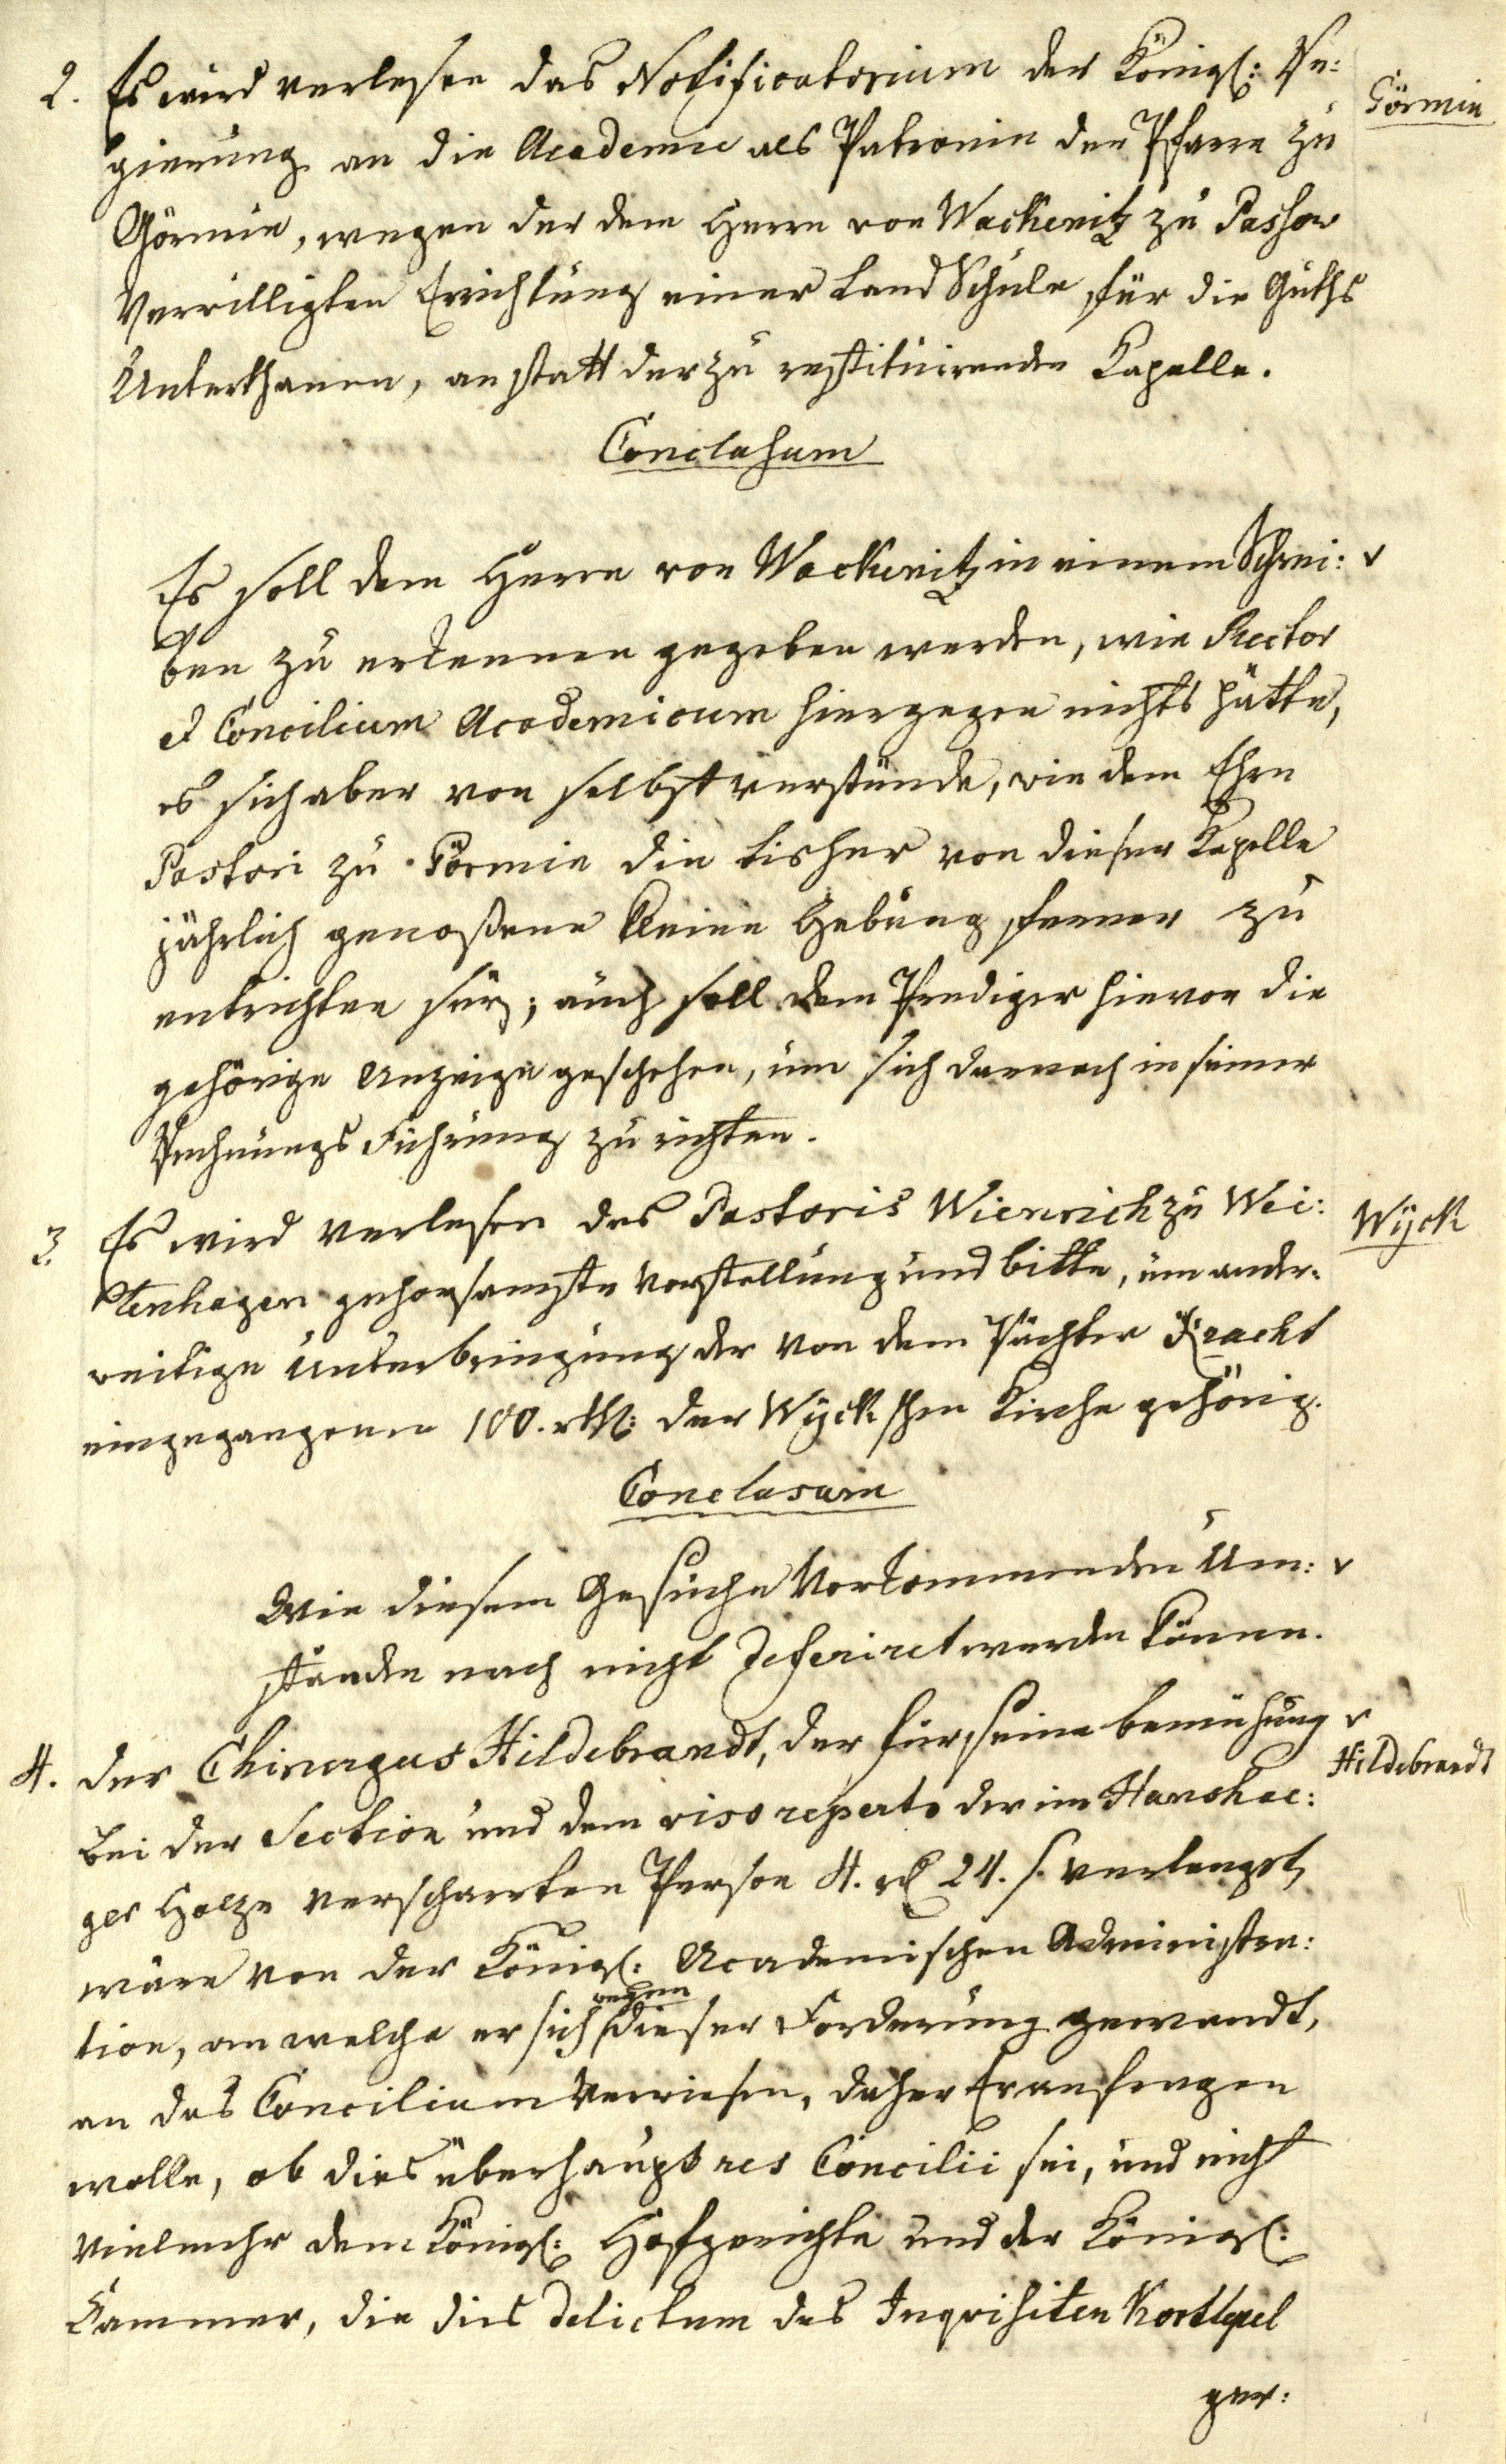2. Es wird verlesen das Notificatorium der Königl. Re¬
gierung an die Academie als Patronin der Pfarre zu
Görmin, wegen der dem Herrn von Wackenitz zu Passow
verwilligten Errichtung einer LandSchule für die Guths
Unterthanen, an statt der zu restituirenden Kapelle.
Conclusum
Es soll dem Herrn von Wackenitz in einem Schei¬
ben zu erkennen gegeben werden, wie Rector
et Concilium Academicum hiergegen nichts hätte,
es sich aber von selbst verstünde, wie dem Ehrn
Pastori zu Görmin die bisher von dieser Kapelle
jährlich genoßene kleine Hebung ferner zu
entrichten seÿ, auch soll dem Prediger hievon die
gehörige Anzeige geschehen, um sich darnach in seiner
Rechnungs Führung zu richten.
3. Es wird verlesen des Rectoris Wienrich zu Wei¬
tenhagen gehorsamste Vorstellung und Bitte, um ander¬
weitige Unterbringung der von dem Pächter Kracht
eingegangenen 100. rtl. der Wÿckschen Kirche gehörig.
Conclusum
Wie diesem Gesuche vorkommenden Um¬
ständen nach nicht deferiret werden könne.
4. Der Chirurgus Hildebrandt, der für seine Bemühung
bei der Sections und dem viso reperto der in Hanshae¬
ger Holze verscharrten Person 4. rt. 24. s. verlanget
wäre von der Königl. Academischen Administra¬
tion, an welche er sich wegen dieser Forderung gewandt,
an das Concilium verwiesen, daher Er anfragen
wolle, ob dies überhaupt res Concilii sei, und nicht
vielmehr dem Königl. Hofgerichte und der Königl.
Kammer, die dies delictum das Inquisiten Kortlepel
ger